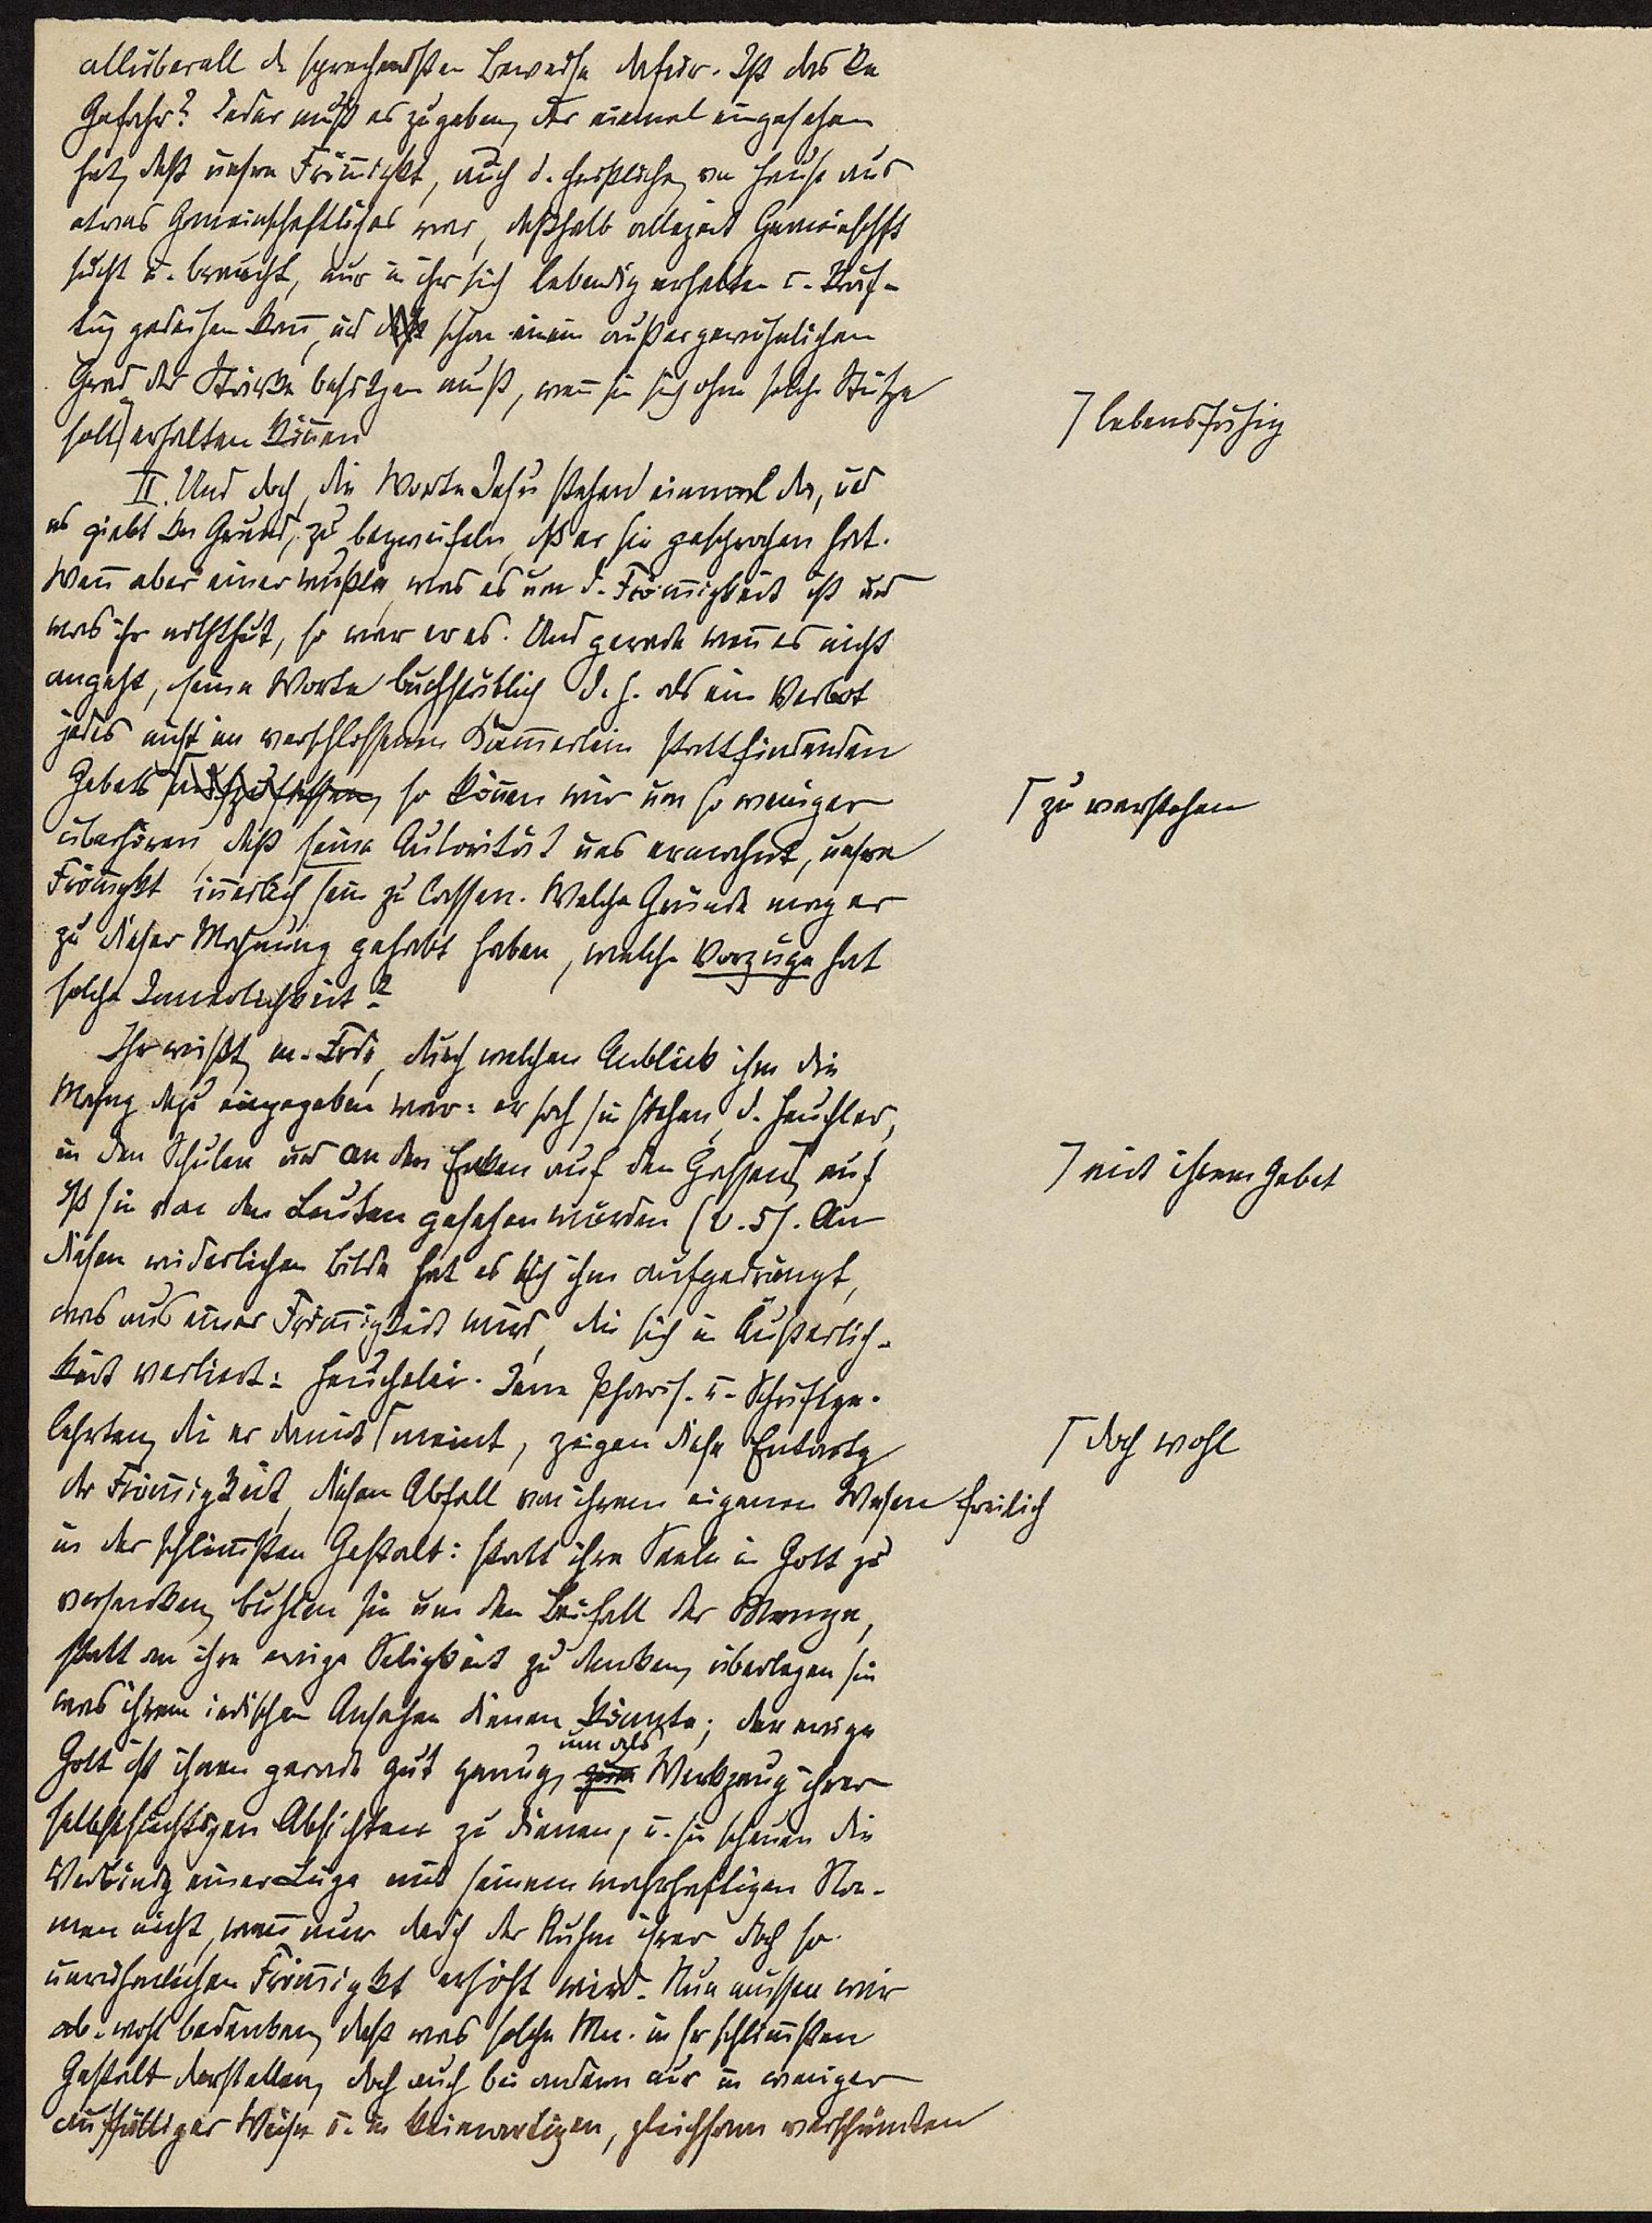allüberall d. sprechendsten Beweise dafür. Ist das kn
Gefahr? Jeder muß es zugeben, der einmal eingesehen
hat, daß unsre Frömigkeit, auch d. christliche, von Hause aus
etwas Gemeinschaftliches war, deßhalb allezeit Gemeinschaft
sucht u. braucht, nur in ihr sich lebendig erhalten u. kräf¬
tig gedeihen kan, und daß schon einen außergewöhnlichen
Grad der Stärke besitzen muß, wen sie sich ohne solche Stütze
soll ] erhalten könen.
II. Und doch, die Worte Jesu stehen einmal da, und
es giebt kn Grund, zu bezweifeln, dß er sie gesprochen hat.
Wen aber einer wußte, was es um d. Frömigkeit ist, und
was ihr noththut, so war er es. Und gerade wen es nicht
angeht, seine Worte buchstäblich d.h. als ein Verbot
jedes nicht im verschlossenen Kämerlein stattfindenden
Gebets [ aufzusetzen so könen wir um so weniger
überhören, daß seine Autorität uns ermahnt, unsre
Frömigkeit inerlich sein zu lassen. Welche Gründe mag er
zu dieser Mahnung gehabt haben? welche Vorzüge hat
solche Innerlichkeit?
Ihr wißt, m. Frd., durch welchen Anblick ihm die
Mahng dazu eingegeben war: er sah sie stehen, d. Heuchler,
in den Schulen und an den Ecken auf den Gassen,] auf
daß sie von den Leuten gesehen würden (V.5). An
diesem widerlichen Bilde hat es sich ihm aufgedrängt,
was aus einer Frömigkeit wird, die sich in Äußerlich¬
keit verliert: Heuchelei. Jene Pharis. u. Schriftge¬
lehrten, dier damit [ meint, zeigen diese Entartg.
der Frömigkeit, diesen Abfall von ihrem eigenen Wesen freilich
in der schlimsten Gestalt: statt ihre Seele in Gott zu
versenken, buhlen sie um den Beifall der Menge,
stat an ihre ewige Seligkeit zu denken, überlegen sie
was ihrem irdischen Ansehen dienen könnte; der ewige
um als
Gott ist ihnen gerade gut genug, zum Werkzeug ihrer
selbssüchtigen Absichten zu dienen, u. sie scheuen die
Verbindg einer Lüge mit seinem wahrhaftigen Na¬
men nicht, wen nur dadch der Ruhm ihrer doch so
unrühmlichen Frömigkt erhöht wird. Nun müssen wir
ab. wohl bedenken, daß was solche Mn. in sr. schlimsten
Gestalt darstellen, doch auch bei andern nur in weniger
auffälliger Weise u. in keinwertigen, gleichsam verschämten
] lebensfähig
[ zu verstehen
] nicht ihrem Gebet
[ doch wohl